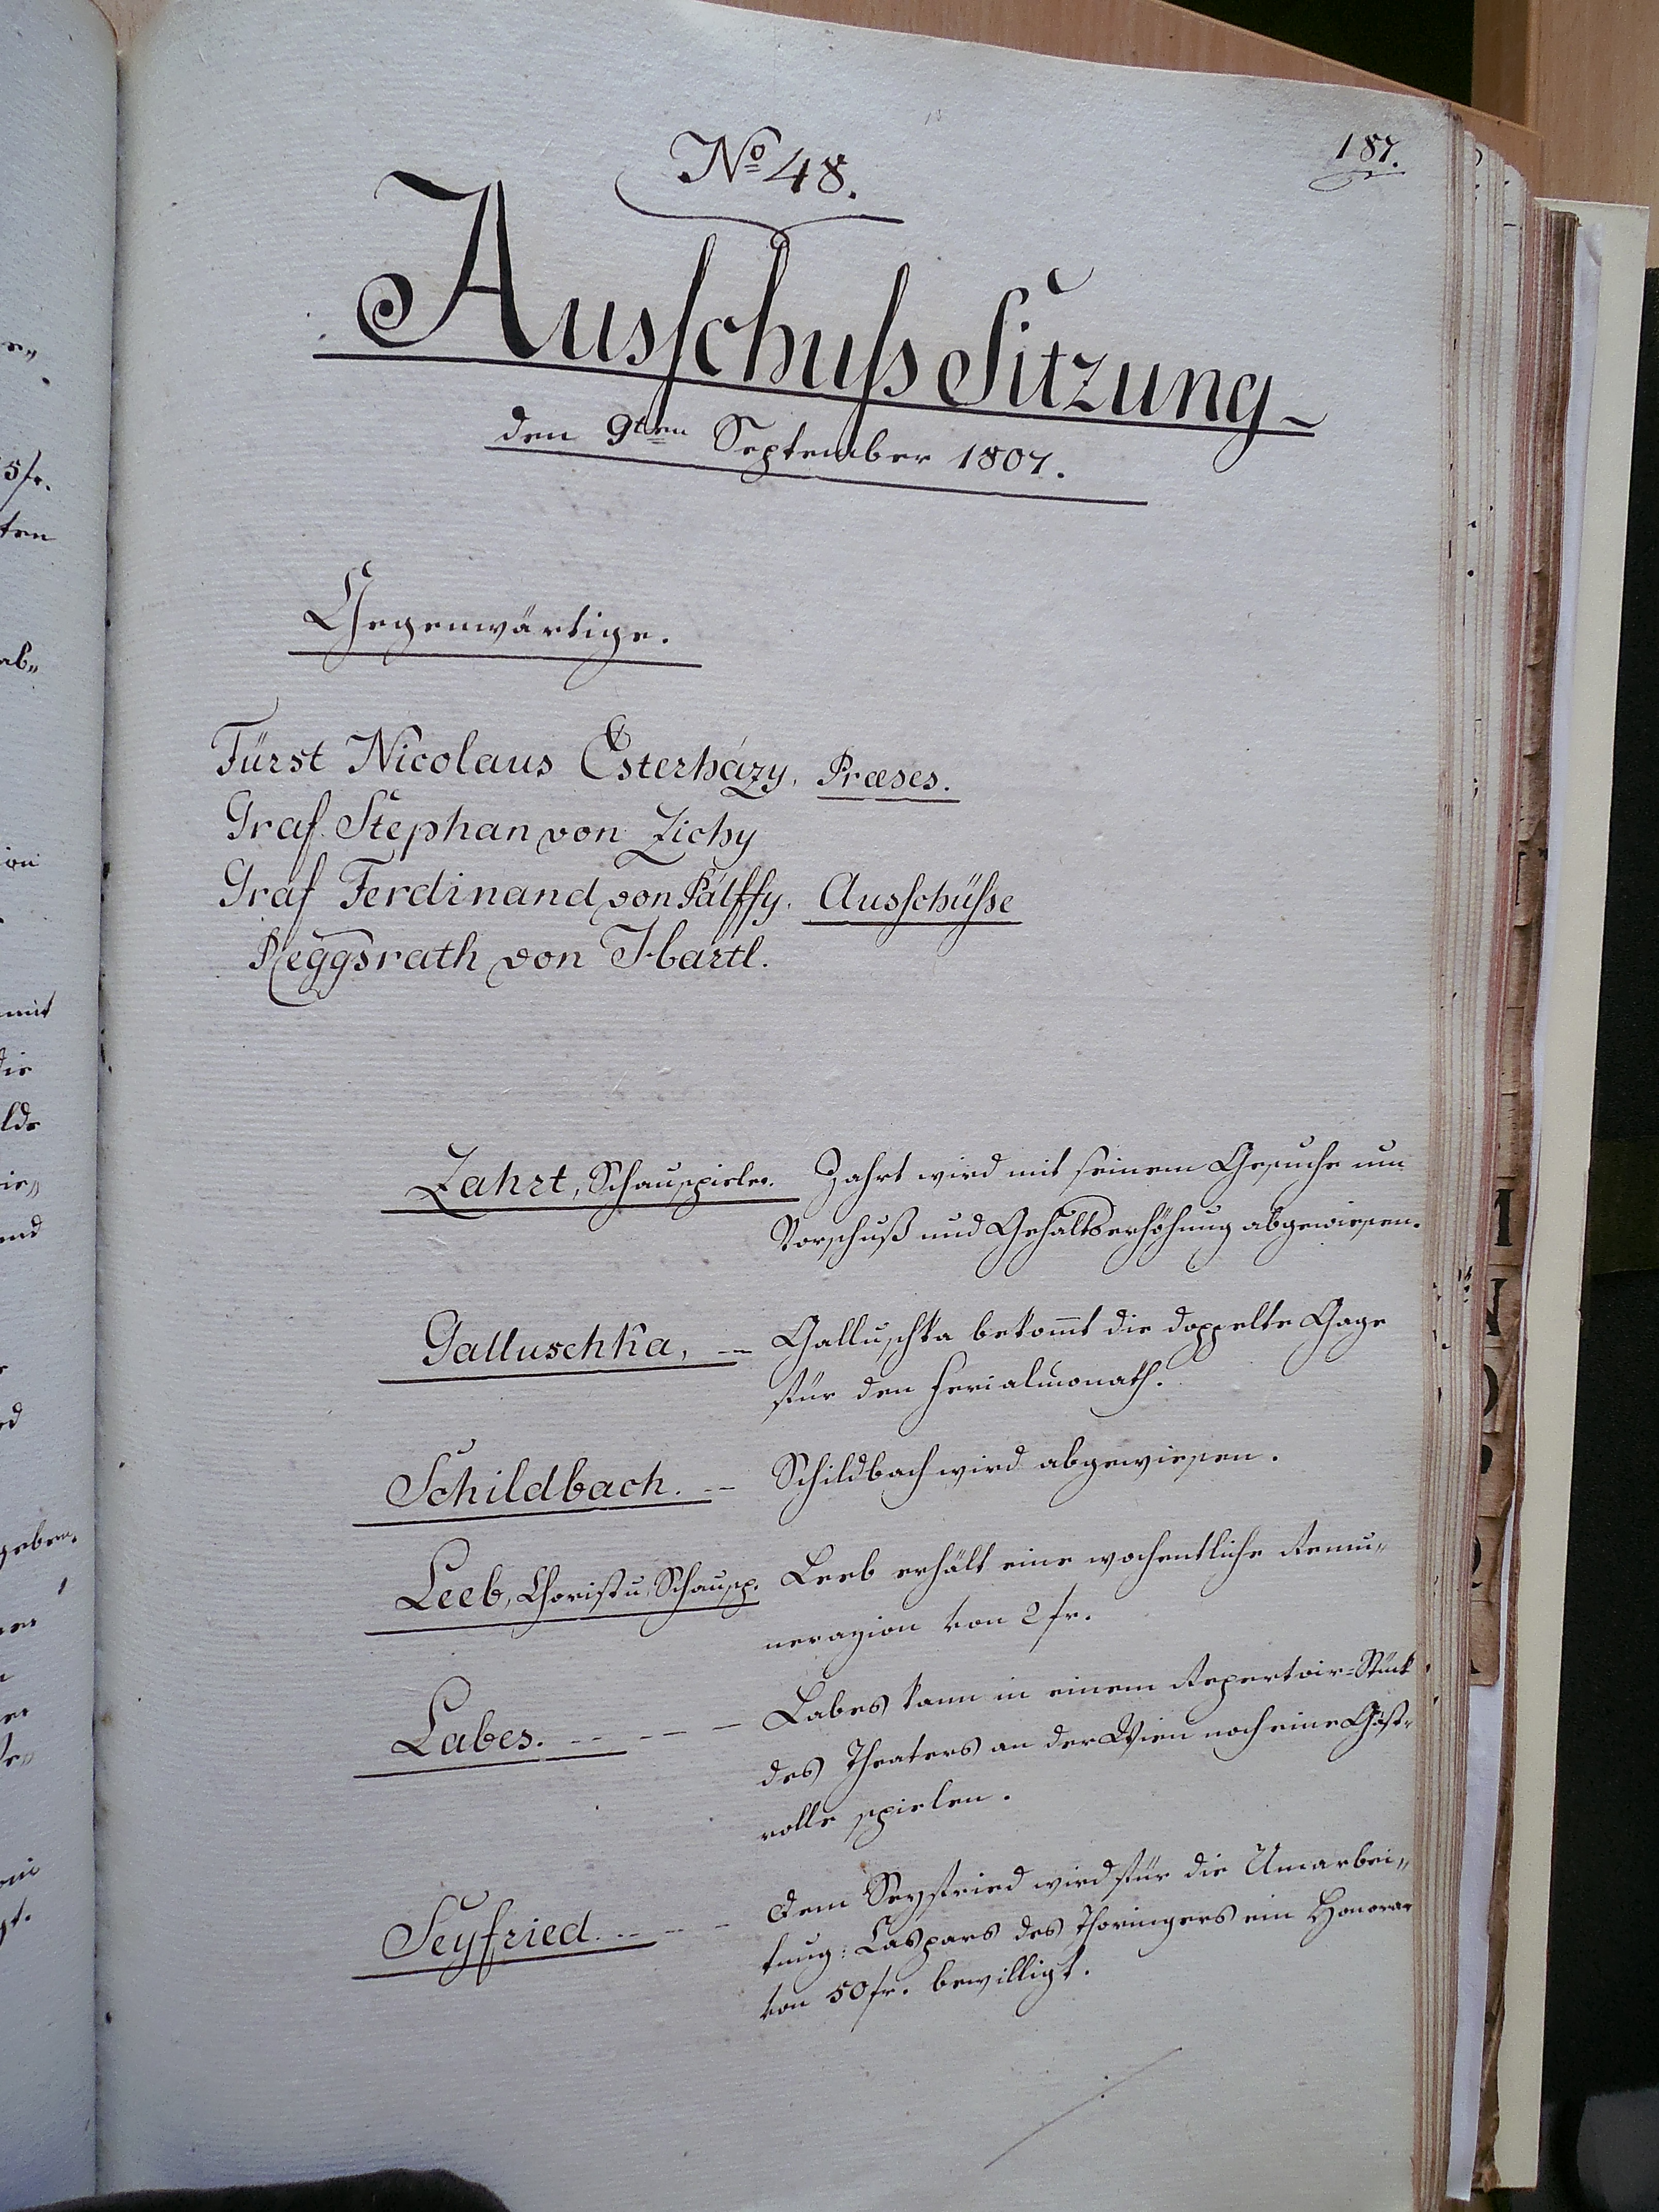187.
No͇ 48.
Ausschuss Sitzung
den 9te͇n September 1807.
Gegenwärtige.
Fürst Nicolaus Esterházy Præses.
Graf Stephan von Zichy
Graf Ferdinand von Pálffy.
Reg͞gsrath von Hartl.
Ausschüsse
Zahrt, Schauspieler. Zahrt wird mit seinem Gesuche um
Vorschuß und Gehaltserhöhung abgewiesen.
Galluschka, .... Galluschka bekom̅t die dopelte Gage
für den Ferialmonath.
Schildbach. . .. Schildbach wird abgewiesen.
Leeb, Chorist u Schausp: Leeb erhält eine wochentliche Remu¬
nerazion von 2fr.
Labes. .. _ _ _ Labes kann in einem Repertoir=Stück
des Theaters an der Wien noch eine Gast¬
rolle spielen.
Seyfried. .. .. .. Dem Seyfried wird für die Umarbei¬
tung Caspars des Thoringers ein Honorar
von 50fr. bewilligt.